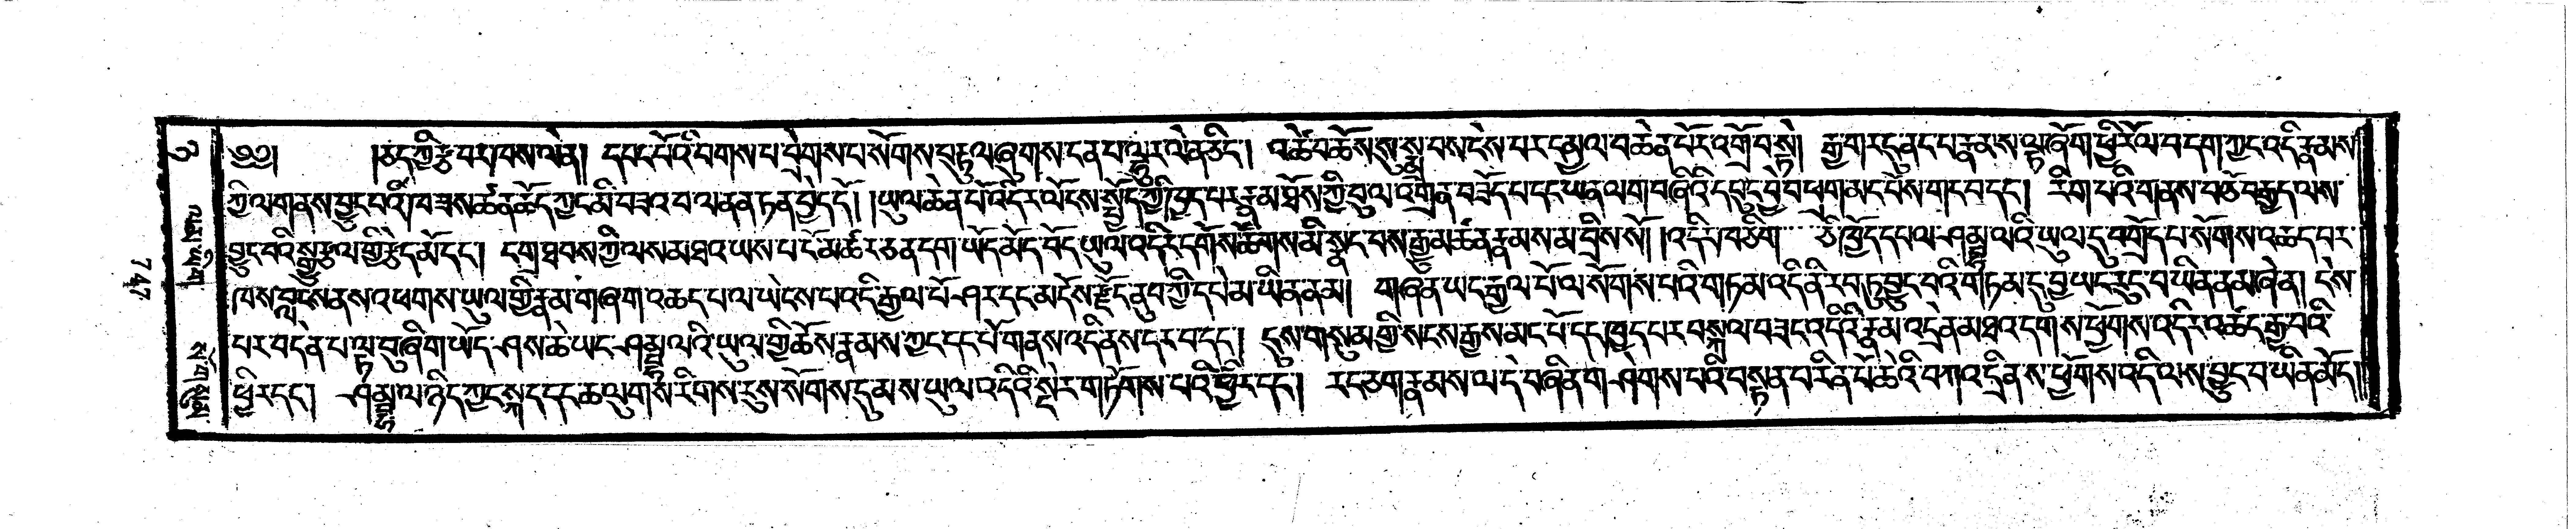༄༅། །ཅད་ཀྱི་རྩ་བར་ཁས་ལེན། དབང་པོའི་བགས་པ་བྲེགས་པ་སོགས་བརྟུལ་ཞུགས་ངན་པ་ལྷུར་ལེན་ཅིང་། འཚེ་བ་ཆོས་སུ་སྨྲ་བས་ངེས་པར་དམྱལ་བ་ཆེན་པོར་འགྲོ་བ་སྟེ། རྒྱ་གར་དུ་ནང་པ་རྣམས་ལྟ་ཞོག་ཕྱི་རོལ་བ་དག་ཀྱང་འདི་རྣམས་
ཀྱི་ལག་ནས་བྱུང་བའི་ཁ་ཟས་ཚན་ཆོད་ཀྱང་མི་བཟའ་བ་ལ་ནན་ཏན་བྱེད་དོ། །ཡུལ་ཆེན་པོ་འདིར་ལོངས་སྤྱོད་ཀྱི་ཁྱད་པར་རྣམ་ཐོས་ཀྱི་བུ་ལ་འགྲན་བཟོད་པ་དང་ཡན་ལག་བཞིའི་དབུང་བྱེ་བ་ཕྲག་མང་པོས་གང་བ་དང་། རིག་པའི་གནས་བཅོ་བརྒྱད་ལས་
བྱུང་བའི་སྒྱུ་རྩལ་གྱི་རྩེད་མོ་དང་། དགྲ་ཐབས་ཀྱི་ལས་མཐའ་ཡས་པ་ངོ་མཚར་ཅན་དག་ཡོད་མོད་བོད་ཡུལ་འདིར་དགོས་ཚོགས་མི་སྣང་བས་རྒྱུ་མཚན་རྣམས་མ་བྲིས་སོ། །འདིར་ཁ་ཅིག་ཅི་ཁྱོད་དཔལ་ཤམྦྷ་ལའི་ཡུལ་དུ་བགྲོད་པ་སོགས་འཆད་བར་
ཁས་བླངས་ནས་འཕགས་ཡུལ་གྱི་རྣམ་གཞག་འཆང་པ་ལ་ཡེངས་པ་འདི་རྒྱལ་པོ་ཤར་དང་མདོས་རྫོད་ནུབ་ཀྱི་དཔེ་མ་ཡིན་ནམ། གཞན་ཡང་རྒྱལ་པོ་ལ་སོགས་པའི་གཏམ་འདི་ནི་རབ་ཏུ་བྱུང་བའི་གཏམ་དུ་བྱ་ཡང་རུང་བ་ཡིན་ནམ་ཞེ་ན། ངེས་
པར་བདེན་པ་ལྟ་བུ་ཞིག་ཡོད་ཤས་ཆེ་ཡང་ཤམྦྷ་ལའི་ཡུལ་གྱི་ཆོས་རྣམས་ཀྱང་དང་པོ་གནས་འདི་ནས་དར་བ་དང་། དུས་གསུམ་གྱི་སངས་རྒྱས་མང་པོ་དང་ཁྱད་པར་བསྐྲལ་བཟང་འདིའི་རྣམ་འདྲེན་མཐའ་དག་ས་ཕྱོགས་འདིར་འཚད་རྒྱ་བའི་
ཕྱིར་དང་། ཤམྦྷ་ལ་ཉིད་ཀྱང་སྐད་དང་ཆ་ལུགས་རིགས་རུས་སོགས་དུ་མས་ཡུལ་འདིའི་སྡེར་གཏོགས་པའི་ཕྱིར་དང་། རང་ཅག་རྣམས་ལ་དེ་བཞིན་གཤེགས་པའི་བསྟན་པ་རིན་པོ་ཆེའི་བཀའ་དྲིན་ས་ཕྱོགས་འདི་ལས་བྱུང་བ་ཡིན་མོད།།